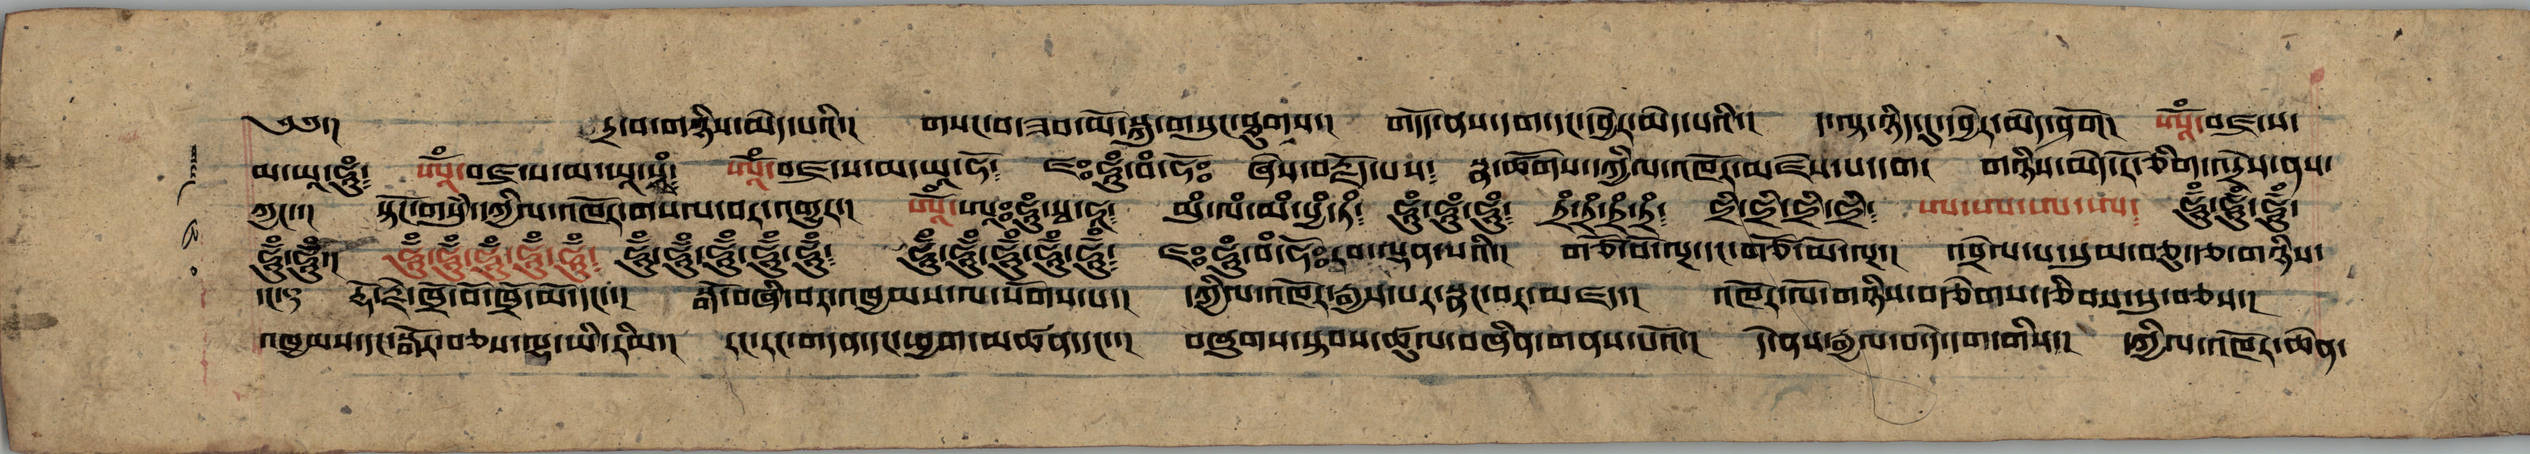༄༅་། དྲ་བ་གཉིས་མེད་པའི་། གསང་བ་ཟབ་མོ་སྐུ་གསུང་ཐུགས་། གོདད་ནས་དག་དང་དབྱེར་མེད་པའི་། ད་ལྟ་ཉིད་དུ་དབྱེར་མེད་ཤོག། ཨཱོཾ་བཛྲ་ས་
མ་ཡཱ་ཧཱུཾ༴ ཨཱོཾ་བཛྲ་ས་མ་ཡཱ་སྟཾ༴ ཨཱོཾ་བཛྲ་ས་མ་ཡཱ་ཧོ༴ ཛཿཧཱུཾ་བཾ་ཧོཿ ཞེས་བརྗོད་པས་༴ སྣ་ཚོགས་དཀྱིལ་འཁོར་མཛེས་པ་དག། གཉིས་མེད་རོ་ཅིག་འདྲེས་ནས་
ཀྱང་་། སྟོང་གསུཾ་དཀྱིལ་འཁོར་གསལ་བར་འགྱུར་། ཨཱོཾ་ཨཱཿཧཱུཾ་སྭ་ཧཱ༴ མུཾ་ལཾ་མཾ་པྱཾ་ཏཾ༴ ཧཱུྃ་ཧཱུྃ་ཧཱུྃ༴ ཏྲཾ་ཏྲཾ་ཏྲཾ་ཏྲཾ༴ ཧྲི་ཧྲི་ཧྲི་ཧྲི་༴ ཨ་ཨ་ཨ་ཨ༴ ཧཱུཾ་ཧཱུཾ་ཧཱུཾ་
ཧཱུྃ་ཧཱུྃ་། ཧཱུྃ་ཧཱུྃ་ཧཱུྃ་ཧཱུྃཧཱུྃཧཱུྃ༴ ཧཱུྃ་ཧཱུྃ་ཧཱུྃ་ཧཱུྃ་ཧཱུྃ༴ ཧཱུྃ་ཧཱུྃ་ཧཱུྃ་ཧཱུྃ་ཧཱུྃ༴ ཛཿཧཱུཾ་བཾ་ཧོཿརབ་ལྡན་པའི་། གཙོ་བོ་ལྔ་དང་གཙོ་མོ་ལྔ་། འབྲེལ་པ་སུམ་བཅུ་རྩ་གཉིས་
དང༑ རྡོ་རྗེ་ཁྲོ་བོ་ཁྲོ་མོ་དང་་། སྒོ་བཞི་བར་འཁྱམས་ལ་སོགས་པ་། དཀྱིལ་འཁོར་རྒྱས་པར་སྣང་བར་མཛད་། འཁོར་ལོ་གཉིས་བརྩེགས་རྩིབས་སུ་བཅས་།
འཁྱམས་དང་སྒོར་བཅས་ལྷ་ཡི་རིམ་། རང་རང་གདན་དང་ཕྱག་མཚན་དང་་། བཞུགས་སྟབས་ཚུལ་བཞིན་གནས་པའོ་། དེ་ནས་རྒྱལ་བ་དེ་དག་གིས་། དཀྱིལ་འཁོར་ཆེན་